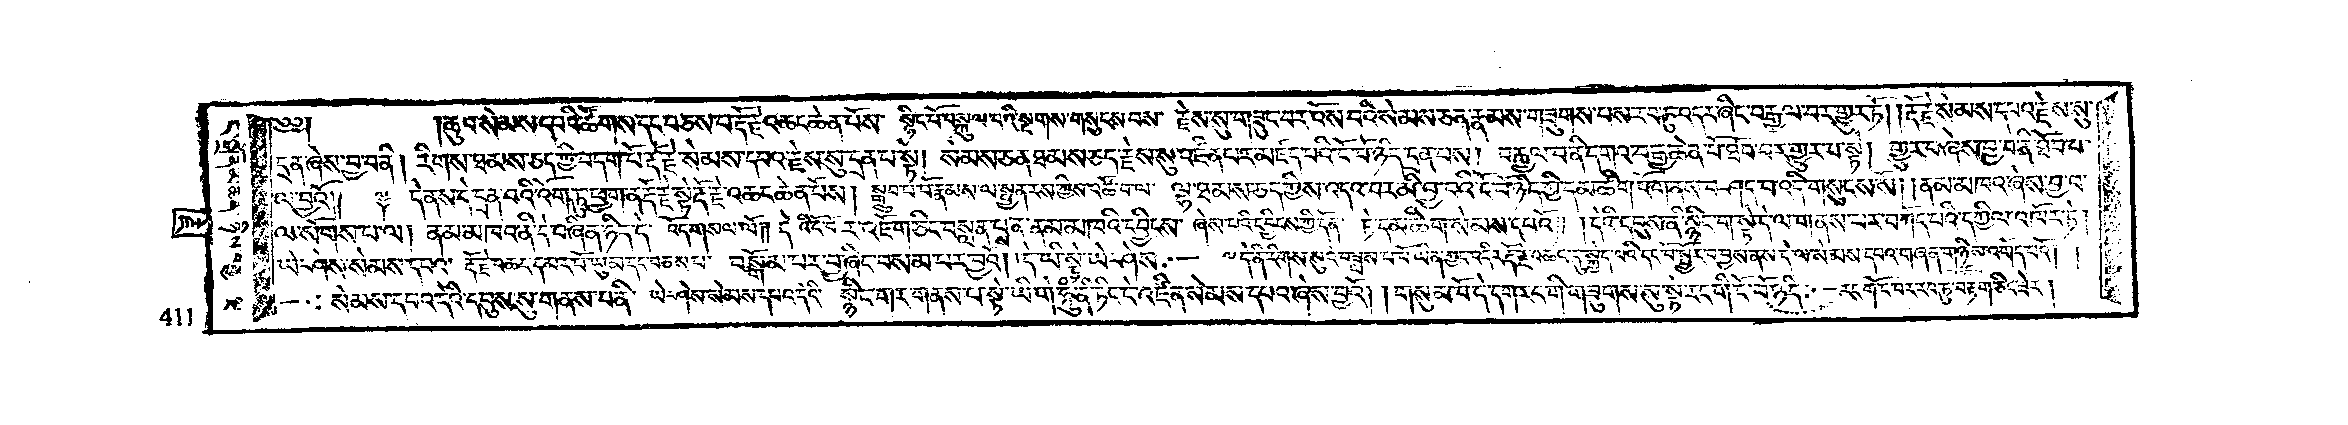༄༅། །ཆུབ་སེམས་དཔའི་ཚོགས་དང་བཅས་པ་རྡོ་རྗེ་འཆང་ཆེན་པོས་སྙིང་པོ་བསྐུལ་བའི་སྔགས་གསུངས་པས་རྗེས་སུ་གཟུང་བར་འོས་པའི་སེམས་ཅན་རྣམས་གཟིགས་པས་རབ་ཏུ་འདིར་?་ཞིང་བརྒྱལ་བར་གྱུར་ཏོ། །རྡོ་རྗེ་སེམས་དཔའ་རྗེས་སུ་
དྲན་ཞེས་བྱ་བ་ནི། རིགས་ཐམས་ཅད་ཀྱི་བདག་པོ་རྡོ་རྗེ་སེམས་དཔའ་རྗེས་སུ་དྲན་པ་སྟེ། སེམས་ཅན་ཐམས་ཅད་རྗེས་སུ་འཛིན་པར་མཛད་པའི་ངོ་བོ་ཉིད་དྲན་པས། བརྒྱལ་བ་ནི་དགའ་བ་རྒྱ་ཆེན་པོ་ཐོབ་པར་གྱུར་པ་སྟེ། གྱུར་པ་ཞེས་བྱ་བ་ནི་ཐོབ་པ་
ལ་བྱའོ།། ༈ དེ་ནས་དེ་དྲན་པའི་འོག་ཏུ་ཕྱག་ན་རྡོ་རྗེ་སྟེ་རྡོ་རྗེ་འཆང་ཆེན་པོས། སྒྲུབ་པ་པོ་རྣམས་ལ་སྤྱན་རས་ཀྱིས་འཚོ་བ་ལ་ལྷ་ཐམས་ཅད་ཀྱིས་འདའ་བར་མི་བྱ་བའི་ངོ་བོ་ཉིད་ཀྱི་དམ་ཚིག་འོག་ནས་བཤད་པ་འདི་གསུངས་སོ། །ནམ་མཁའ་ཞེས་བྱ་བ་
ལ་སོགས་པ་ལ། ནམ་མཁའ་ནི་དེ་བཞིན་ཉིད་དེ་འོད་གསལ་ལོ། །དེའི་ངོ་བོར་འཇོག་ཅིང་བསླན་པས་ན་ནམ་མཁའི་དབྱིངས་ཞེས་པའི་དབྱིངས་ཀྱི་དོན་ཏེ་དམ་ཚིག་སེམས་དཔའོ། །དེའི་དབུས་ནི་སྙིང་ག་སྟེ་དེ་ལ་གནས་པར་བཀོད་པའི་དཀྱིལ་འཁོར་ཏེ།
ཡེ་ཤེས་སེམས་དཔའ་རྡོ་རྗེ་འཆང་དམར་པོ་ཡུམ་དང་བཅས་པ་བསྒོམ་པར་བྱ་ཞིང་བསམ་པར་བྱའོ། །དེ་ཡི་སྟེ་ཡེ་ཤེས་H.་༧་དེ་ནི་རིགས་སུ་འོ་བཟློས་པ་པོ་ཡིན་ཀྱང་འདིར་རྡོ་རྗེ་འཆང་དུ་སྐྱེད་པའི་དང་པོ་སྦྱོར་བ་བྱས་ནས་དེ་ལ་སེམས་དཔའ་གཞན་གཉིས་འགོད་པའོ།།
.H སེམས་དཔའ་དེའི་དབུས་སུ་གནས་པ་ནི་ཡེ་ཤེས་སེམས་དཔའ་དེའི་སྙིང་གར་གནས་པ་སྟེ་ཡི་གེ་ཧཱུཾ་ནི་ཏིང་ངེ་འཛིན་སེམས་དཔའ་ཞེས་བྱའོ། །གསུམ་པོ་དེ་དག་རང་གི་གཟུགས་སུ་སྟེ་རང་གི་ངོ་བོ་ཉིད་.H རང་གི་ངོ་བོར་རབ་ཏུ་བརྟག་ཅིང་ཟེར།